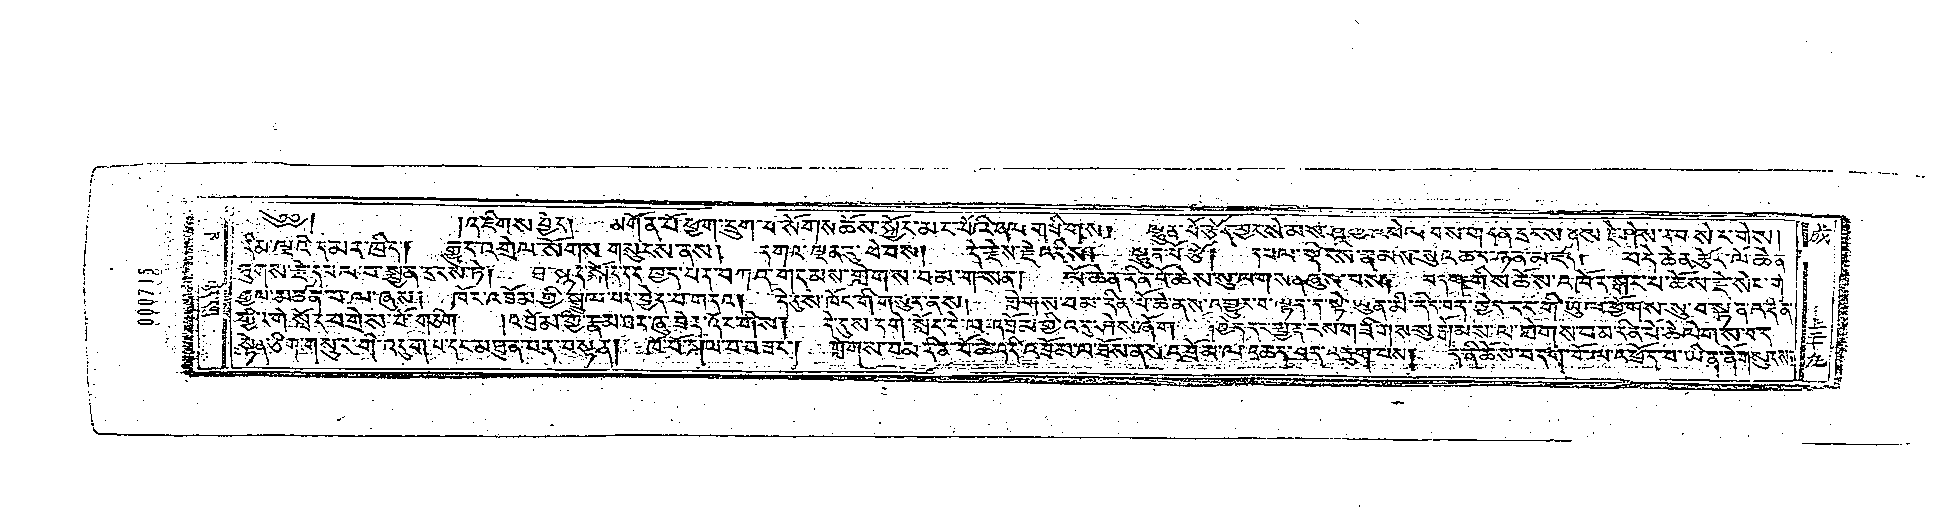༄༅། །འཇིགས་བྱེད། མགོན་པོ་ཕྱག་དྲུག་པ་སོགས་ཆོས་སྐྱོང་མང་པོའི་ཞལ་གཟིགས། ལྷུན་པོ་རྩེར་བྱང་སེམས་ཤཱཀྱ་འཕེལ་བས་གདན་དྲངས་ནས་རྗེ་ཤེས་རབ་སེང་གེས།
རིམ་ལྔའི་དམར་ཁྲིད། རྒྱུད་འགྲེལ་སོགས་གསུངས་ནས། དགའ་ལྡན་དུ་ཕེབས། དེ་རྗེས་རྗེ་འདིས། །ལྷུན་པོ་རྩེ། དཔལ་སྡིངས་རྣམས་སུ་འཆད་ཉན་མཛད། བདེ་ཆེན་རྩེད་ལོ་ཆེན་
ཐུགས་རྗེ་དཔལ་བ་སྤྱན་དྲངས་ཏེ། ཐ་སྙད་སྐོར་དང་ཁྱད་པར་བཀའ་གདམས་གླགས་བམ་གསན། ལོ་ཆེན་རིན་བོ་ཆེས་སུ་ལ་གསན་གིས། དེ་དུས་དགེ་སློང་དེ་ལ་འབྲོམ་གྱི་འདུ་ཤེས་ཞོག །
རྒྱལ་མཚན་པ་ལ་ཞུས། ཁོང་འབྲོམ་གྱི་སྤྲུལ་པར་བྱེད་པ་གདའ། དེ་དུས་ཁོང་གི་གསུང་ནས། གླེགས་བམ་རིན་པོ་ཆེ་ནས་འབྱུང་བ་ལྟར་ད་སྟེ་ཡུན་མི་རིང་ཐར་ཁྱེད་རང་གི་ཡུལ་ཕྱོགས་སུ་བསྟན་འཛིན་
གྱི་དགེ་སློང་བགྲེས་བོ་གཅིག །འབྲོམ་གྱི་རྣམ་ཐར་ཞུ་བྲེར་འོང་གིས། དེ་དུས་དགེ་སློང་དེ་ལ་འབྲོམ་གྱི་འདུ་ཤེས་ཞོག །ཁྱེད་རང་སྤྱན་རས་གཟིགས་སུ་སྒོམས་ལ་གླེགས་བམ་རིན་པོ་ཆེ་ལེགས་བར་
སྟེན་ཅིག་གསུང་གི་འདུག་པ་དང་མཐུན་པར་བསྟན། ཁོ་བོ་སྐལ་བ་བཟང་། གླེགས་བམ་རིན་པོ་ཆེ་འདི་འབྲོམ་ལ་ཐོས་ནས་འབྲོམ་ལ་འཆད་པར་འདུག་པས། ད་ནི་ཆོས་བདག་བོ་ལ་འཕྲོད་པ་ཡིན་ནོ་གསུངས།